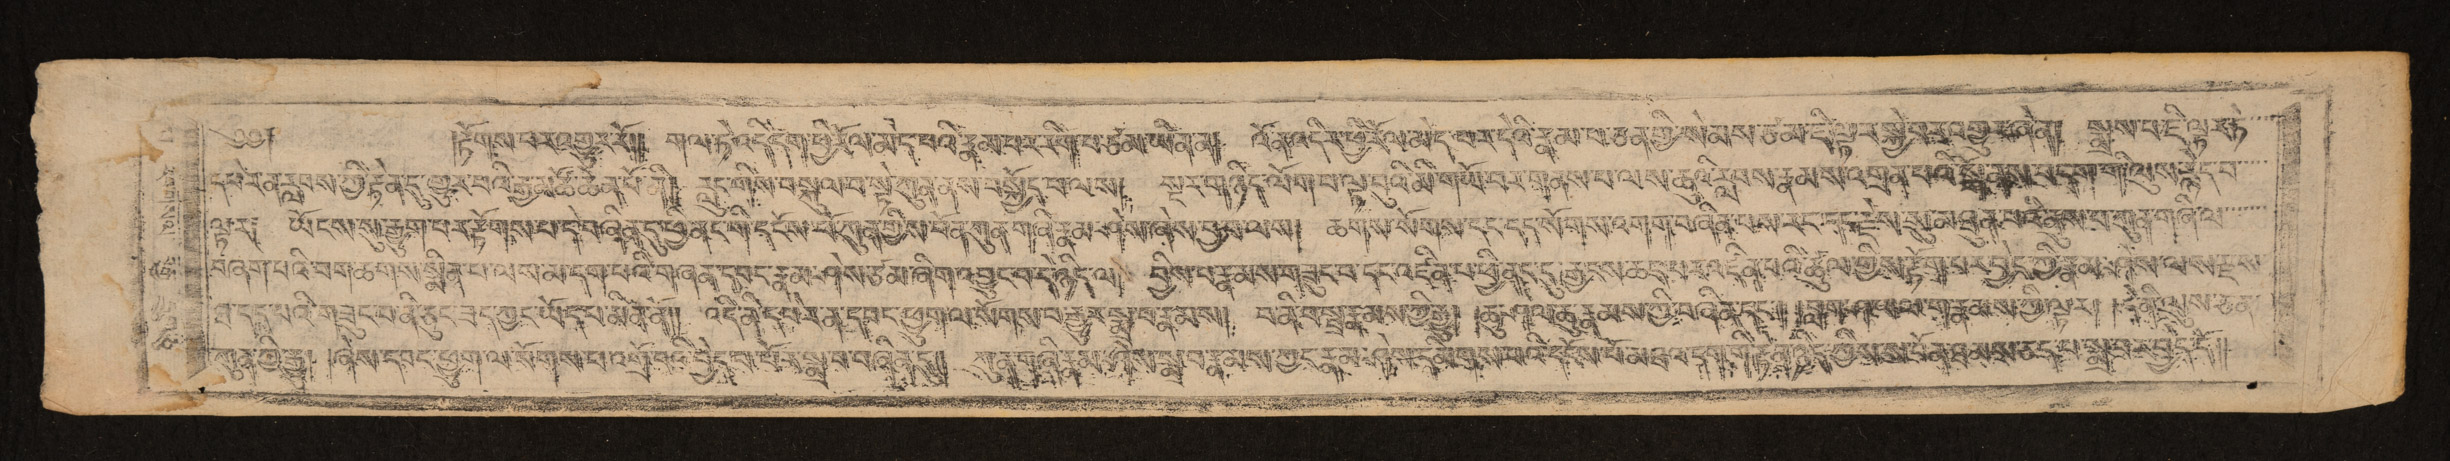༄༅། །རྟོགས་པར་འགྱུར་རོ།། གལ་ཏེ་འདི་དག་ཕྱི་རོལ་མེད་པའི་རྣམ་པར་རིག་པ་ཙམ་ཡིན་ན། འོ་ན་འདིར་ཕྱི་རོལ་མེད་པར་དེའི་རྣམ་པ་ཅན་གྱི་སེམས་ཙམ་ཇི་ལྟར་སྐྱེ་བར་འགྱུར་ཞེ་ན། སྨྲས་པ་ཇི་ལྟར་ཏེ་
དཔེར་ན་རླབས་ཀྱི་རྟེན་དུ་གྱུར་པའི་རྒྱ་མཚོ་ཆེན་པོ་ནི། རླུང་གིས་བསྐུལ་བ་སྟེ་ཀུན་ནས་བསྐྱོད་པ་ལས། སྔར་གཉིད་ལོག་པ་ལྟ་བུའི་མི་གཡོ་བར་གནས་པ་ལས་ཆུའི་རླབས་རྣམས་འགྲན་པའི་སྒོ་ནས་བདག་གི་ལུས་རྙེད་པ་
ལྟར༑ ཡོངས་སུ་རྒྱུག་པར་རྟོགས་པ་དེ་བཞིན་དུ་ཕྱི་ནང་གི་དངོས་པོ་ཀུན་གྱི་ས་བོན་ཀུན་གཞི་རྣམ་ཤེས་ཞེས་བྱ་བ་ལས། ཆགས་སོགས་དང་དད་སོགས་འགག་བཞིན་པས་རང་དང་རྗེས་སུ་མཐུན་པའི་ནུས་པ་ཀུན་གཞི་ལ་
བཞག་པའི་བག་ཆགས་སྨིན་པ་ལས་མ་དག་པའི་གཞན་དབང་རྣམ་ཤེས་ཙམ་ཞིག་འབྱུང་བ་དེ་ཉིད་ལ། བྱིས་པ་རྣམས་གཟུང་བ་དང་འཛིན་པ་ཕྱི་ནང་དུ་རྒྱངས་ཆད་པར་འཛིན་པའི་ཚུལ་གྱིས་རྟོག་པར་བྱེད་ཀྱི་རྣམ་ཤེས་ལས་རྫས་
ཐ་དད་པའི་གཟུང་བ་ནི་ཅུང་ཟད་ཀྱང་ཡོད་པ་མིན་ནོ།། འདི་ནི་དཔེར་ན་དབང་ཕྱུག་ལ་སོགས་པ་རྒྱུར་སྨྲ་བ་རྣམས། བ་ནི་བ་སྒྲ་རྣམས་ཀྱི་རྒྱུ། །ཆུ་ཤེལ་ཆུ་རྣམས་ཀྱི་བཞིན་དང་། །བླག་ཤ་ཡལ་ག་རྣམས་ཀྱི་ལྟར། །དེ་ནི་ལུས་ཅན་
ཀུན་གྱི་རྒྱུ། །ཞེས་དབང་ཕྱུག་ལ་སོགས་པ་འགྲོ་བའི་བྱེད་པ་པོར་སྨྲ་བ་བཞིན་དུ། ཀུན་གཞི་རྣམ་ཤེས་སྨྲ་བ་རྣམས་ཀྱང་རྣམ་ཤེས་དམིགས་པའི་དངོས་པོ་མཐའ་དག་གི་རྟེན་ཉིད་ཀྱིས་ས་བོན་ཐམས་ཅད་པ་སྨྲ་བར་བྱེད་དོ།།